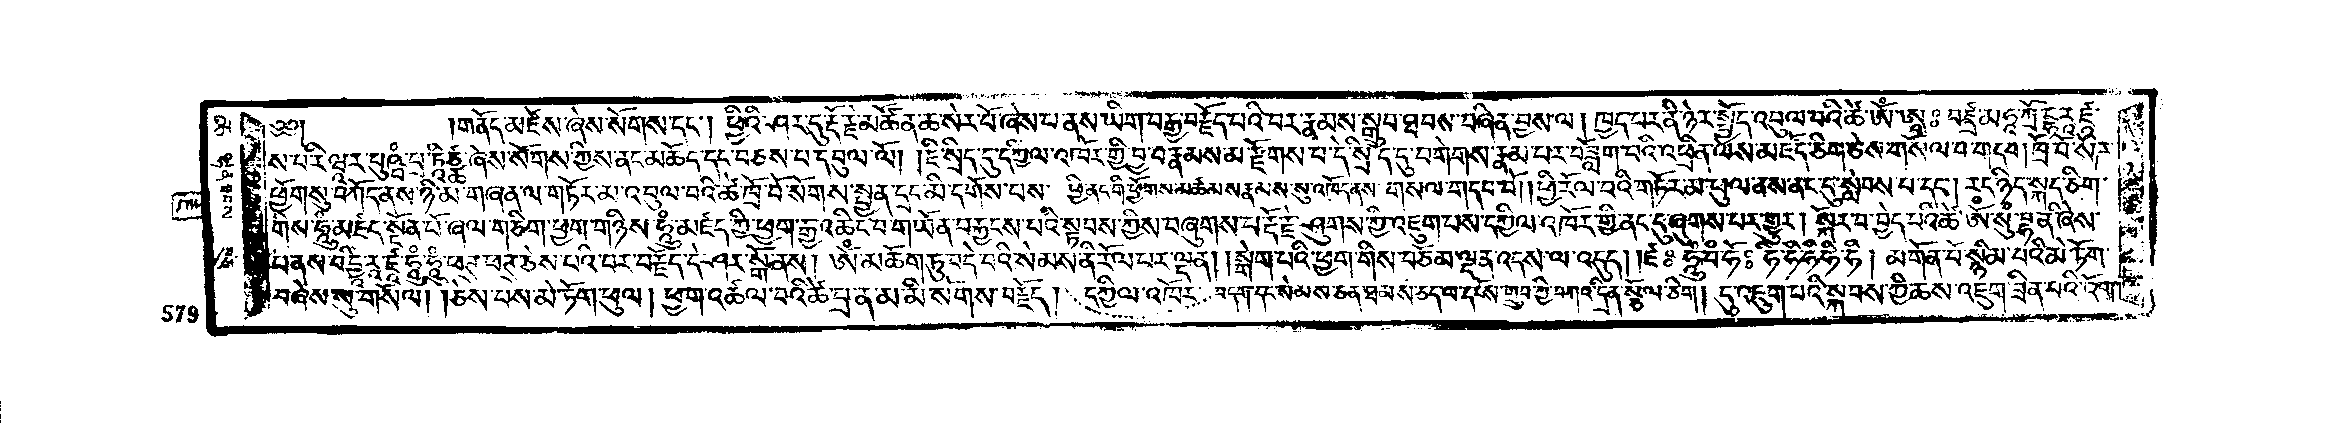༄༅། །གནེད་མཛེས་ཞེས་སོགས་དང་། ཕྱིའི་ཤར་དུ་རྡོ་རྗེ་མཚོན་ཆ་སེར་པོ་ཞེས་པ་ནས་ཡིག་བརྒྱ་བརྗོད་པའི་བར་རྣམས་སྒྲུབ་ཐབས་བཞིན་བྱས་ལ། ཁྱད་པར་ནི་ཉེར་སྤྱོད་འབུལ་བའི་ཚེ་ཨོཾ་ཨཱཿ བྫྲ་མ་ཧཱ་ཀོ་དྷ་རཱ་ཛཱ་
ས་པ་རི་ཝཱ་ར་པུཥྤཾ་པྲ་ཏཱི་ཙྪ་ཞེས་སོགས་ཀྱིས་ནང་མཆོད་དང་བཅས་པ་དབུལ་ལོ། །ཇི་སྲིད་དུ་དཀྱིལ་འཁོར་གྱི་བྱ་བ་རྣམས་མ་རྫོགས་པ་དེ་སྲིད་དུ་བགེགས་རྣམ་པར་བཟློག་པའི་འཕྲིན་ལས་མཛོད་ཅིག་ཅེས་གསོལ་བ་གདབ། ཁྲོ་བོ་སོཌ་
ཕྱོགས་སུ་བཀོད་ནས་ཉི་མ་གཞན་ལ་གཏོར་མ་འབུམ་བའི་ཚེ་ཁྲོ་བོ་སོགས་སྤྱན་དྲང་མི་དགོས་པས་ཕྱི་ནང་གི་ཕྱོགས་མཚམས་རྣམས་སུ་འཁོད་ནས་གསལ་གདབ་པོ། །ཕྱི་རོལ་པའི་གཏོར་མ་ཕུལ་ནས་ནང་དུ་སླེབས་པ་དང་། རང་ཉིད་སྐད་ཅིག་
གིས་ཧཱུཾ་མཛད་སྔོན་པོ་ཞལ་གཅིག་ཕྱག་གཉིས་ཧཱུཾ་མཛད་ཀྱི་ཕྱག་རྒྱ་འཆིང་བ་གཡོན་བརྐྱངས་པའི་སྟབས་ཀྱིས་བཞུགས་པ་རྡོ་རྗེ་ཤུགས་ཀྱི་འཇུག་པས་དཀྱིལ་འཁོར་གྱི་ནང་དུ་ཞུགས་པར་གྱུར། སྐོར་བ་བྱེད་པའི་ཚེ་ཨོཾ་སུཾ་བྷ་ནི་ཞེས་
པ་ནས་བིདྱཱ་རཱ་ཛཱ་ཧཱུཾ་ཧཱུཾ་ཕཊ་ཕཊ་ཅེས་པའི་བར་བརྗོད་དེ་ཤར་སྒོ་ནས། ཨོཾ་ཆོག་ཏུ་བདེ་བའི་སེམས་ནི་རོལ་པར་ལྡན། །སྒེག་པའི་ཕྱག་གིས་བཅོམ་ལྡན་འདས་ལ་འདུད། །ཛཿ ཧཱུམ་བཾ་ཧེཿ ཧི་ཧི་ཧི་ཧི་ཧི། མགོན་པོ་སྙིམ་པའི་མེ་ཏོག་
བཞེས་སུ་གསོལ། །ཅེས་པས་མེ་ཏོག་ཕུལ། ཕྱག་འཚལ་བའི་ཚེ་པྲ་ན་མ་མི་སོགས་བརྗོད། དཀྱིལ་འཁོར་བདག་དང་སེམས་ཅན་ཐམས་ཅད་ལ་དངོས་གྲུབ་ཀྱི་བཀའ་དྲིན་སྩོལ་ཅིག་།དུ་འཇུག་པའི་སྐབས་ཀྱི་ཆོས་འཇུག་ཟིན་པའི་འོག་